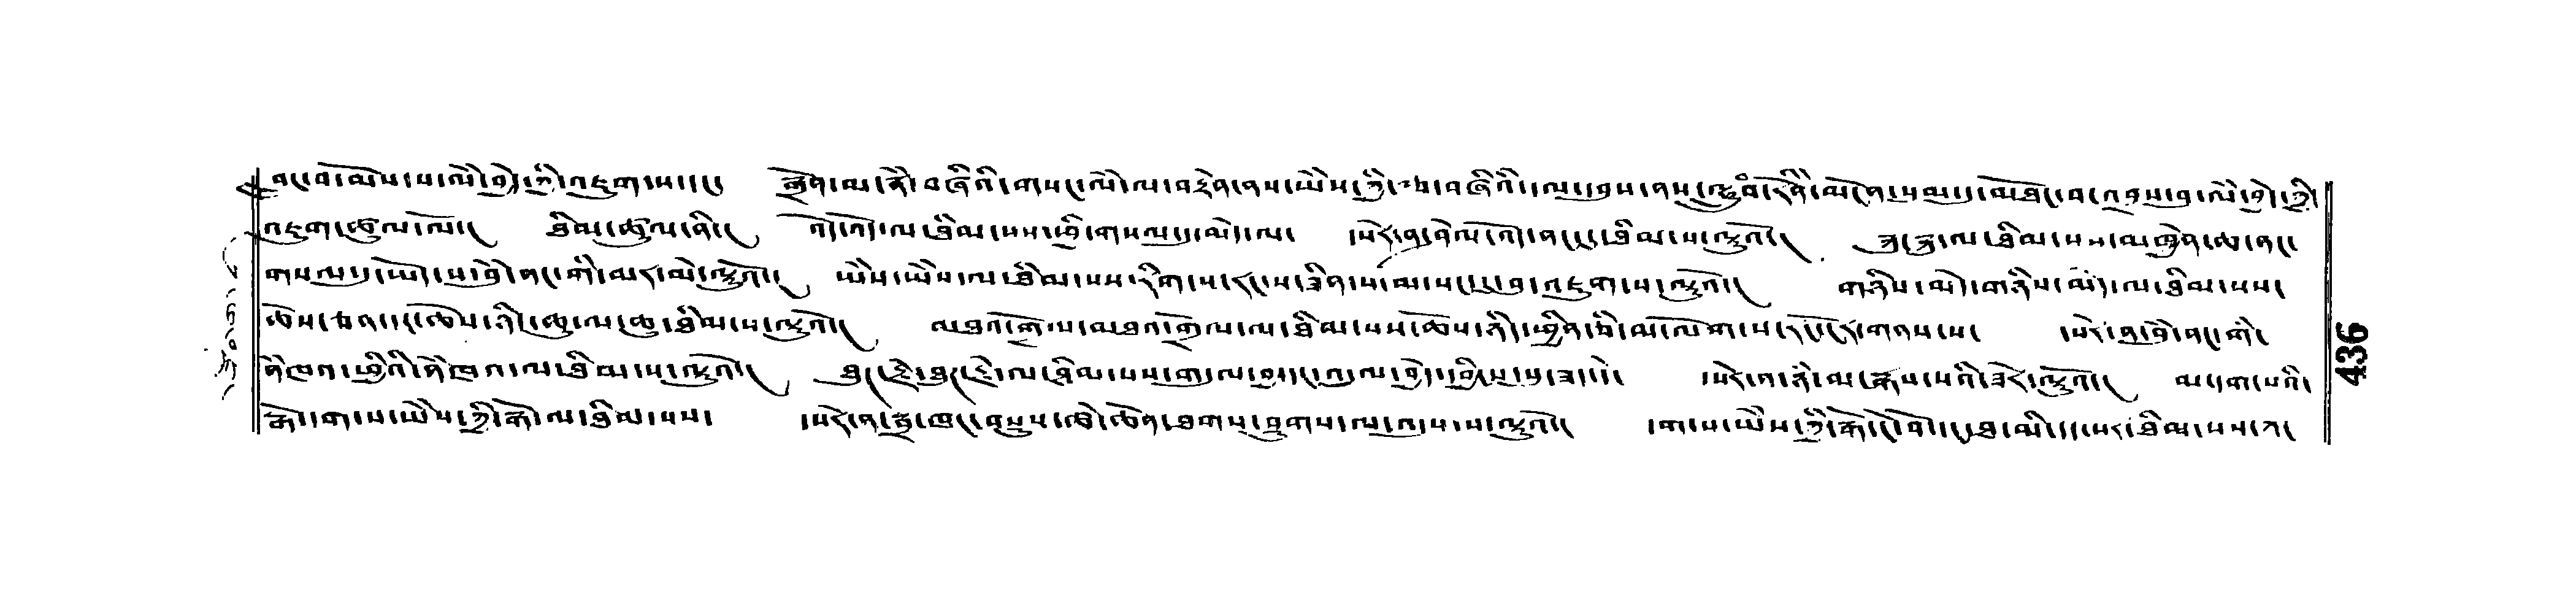བླང་བ་མོས་པ་ལམ་བྱེད་ཀྱི་འཇུག་པ་དང་། སྒྲོན་མ་རྣམ་བཞིའི་གསང་ལམ་ལ་བརྟེན་ནས་ཡེ་ཤེས་ཀྱི་རྩ་བཞིའི་དལ་དབུས་ནས་ལྷུན་གྲུབ་རིན་པོ་ཆེ་མངོན་སུམ་དུ་མཐོང་བ་འབྲས་བུ་ལམ་བྱེད་ཀྱི་
འཇུག་ཚུལ་ལོ། ཐིམ་ཚུལ་ནི། འོད་འོད་ལ་ཐིམ་པས་ཕྱི་གསལ་དུ་མེད་ལ། དཔེར་ན་ཤེལ་འོད་ནང་དུ་ཐིམ་པ་ལྟ་བུའོ། སྐུ་སྐུ་ལ་ཐིམ་པས་མཁྱེན་ཆ་ནང་
གསལ་དུ་ཡོད་པ་བུམ་ནང་གི་མར་མེ་ལྟ་བུའོ། ཡེ་ཤེས་ཡེ་ཤེས་ལ་ཐིམ་པས་རིག་པ་རང་ས་ཟིན་པ་མ་པང་དུ་བུ་འཇུག་པ་ལྟ་བུའོ། གཉིས་མེད་གཉིས་མེད་ལ་ཐིམ་པས་
ཆོས་ཅན་དང་ཆོས་ཉིད་ཆུ་ལ་ཆུ་ཐིམ་པ་ལྟ་བུའོ། མཐའ་གྲོལ་མཐའ་གྲོལ་ལ་ཐིམ་པས་ཆོས་ཉིད་ཕྱིན་ཅི་མ་ལོག་པ་རང་ངོར་གནས་པ། དཔེར་ན་བུམ་ནང་གི་
ནམ་མཁའ་ཕྱིའི་ནམ་མཁའ་ལ་ཐིམ་པ་ལྟ་བུའོ། ཐུགས་རྗེ་ཐུགས་རྗེ་ལ་ཐིམ་པས་གདུལ་བྱ་དང་འདུལ་བྱེད་དབྱིངས་སུ་ཟད་དོ།དཔེར་ན་ཉི་མ་རྒས་པའི་ཟེར་ལྟ་བུའོ། མ་དག་པའི་
སྒོ་དག་པ་ཡེ་ཤེས་ཀྱི་སྒོ་ལ་ཐིམ་པས། དཔེར་ན་སྦྲ་ཁང་བསྡུས་ཚེ་ཆོན་ཐགས་ཤུགས་ལ་འདུས་པར་ལྟ་བུའོ། དག་པ་ཡེ་ཤེས་ཀྱི་སྒོ་ངོ་བོ་དང་ཐ་མི་དད་པ་ཐིམ་པས་ཀ་